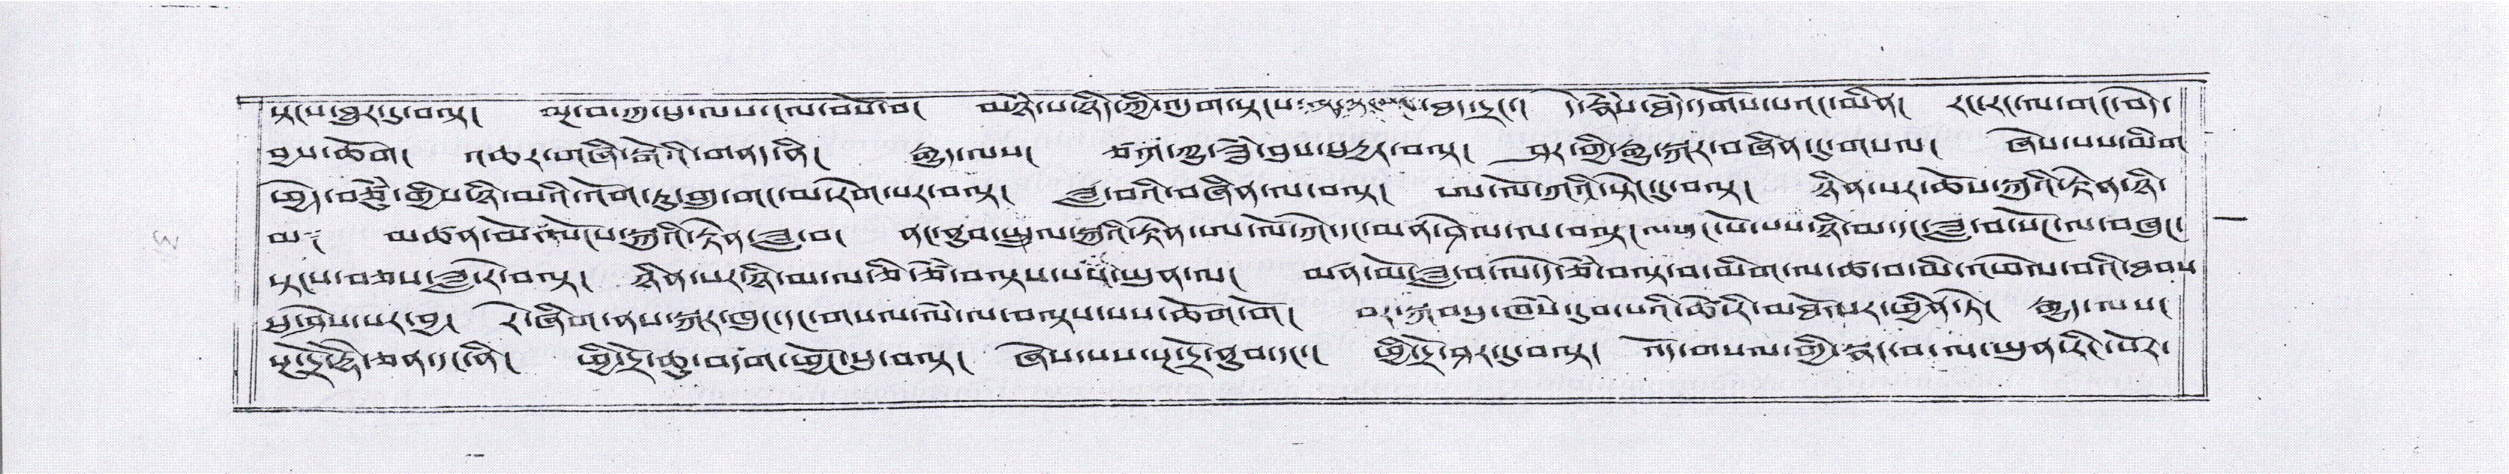སྟངས་ཐུར་དུ་བལྟ། སྔ་བ་ཀུ་སུ་ལས་ངལ་བསོ་བ། མཉམ་པ་ཉིད་ཀྱི་འདུག་སྟངས་་་་་་་་་་་་་་ཐད་དྲང། དེ་རྣམས་ཐམས་ཅད་དགོས་པའང་མིན། རང་རང་ལ་གང་བདེ་
བྱས་ཆོག འཆར་གཞི་སྒོའི་གནད་ནི། རྒྱུད་ལས། ཙཀ་ཀྱུ་ཟུམ་བུས་སུརྱར་བལྟ། ཤར་གྱི་རྒྱུ་སྐར་བཞིན་དུ་གསལ། ཞེས་པས་མིག་
ཕྱེད་བཙུམ་གྱིས་ཉི་མའི་འོག་ཏུ་གྲུ་གང་མ་རེག་པར་བལྟ། ཟླ་བའི་བཞིན་ལ་བལྟ། ཨ་ལོ་ཀའི་སྟེང་དུ་བལྟ། ཉིན་པར་ཆོས་སྐུའི་རྟེན་ཉི་
མ། མཚན་མོ་ལོངས་སྐུའི་རྟེན་ཟླ་བ། ནང་ནུབ་སྤྲུལ་སྐུའི་རྟེན་ཨ་ལོ་ཀེ་དང་མན་ཤེལ་ལ་བལྟ། ལས་དང་པོ་པས་ཉི་མ་དང་ཟླ་བ་སོགས་ལ་བཞུགས་
སྟངས་བཅས་ཟླ་རེ་བལྟ། ཉིན་པར་ཉི་མ་ལ་ཅི་ཙམ་བལྟས་པས་ཡུན་ལ། མཚན་མོ་ཟླ་བ་ལ་དེ་ཙམ་བལྟ་བ་མིག་ལ་ཚ་བ་མི་འཕེལ་བའི་ཐབས་
སུ་ཤེས་པར་བྱ། རེ་ཞིག་ནས་སྐར་ཁུང་དང་གསལ་ལམ་ལ་བལྟས་པས་ཆོག་གོ། བར་སྐབས་སུ་ཁམས་དུབ་པའི་ཚེ་རི་མཐོ་སར་ཕྱིན་ཏེ། རྒྱུད་ལས་
སྔ་དྲོ་རྡོ་རྗེ་ཅན་དང་ནི། ཕྱི་དྲོ་ཆུ་བདག་ཕྱོགས་སུ་བལྟ། ཞེས་པས་སྔ་དྲོ་ནུབ་དང། ཕྱི་དྲོ་ཤར་དུ་བལྟ། འོད་གསལ་གྱི་སྣང་བ་ལ་ཡུན་རིང་པོར་